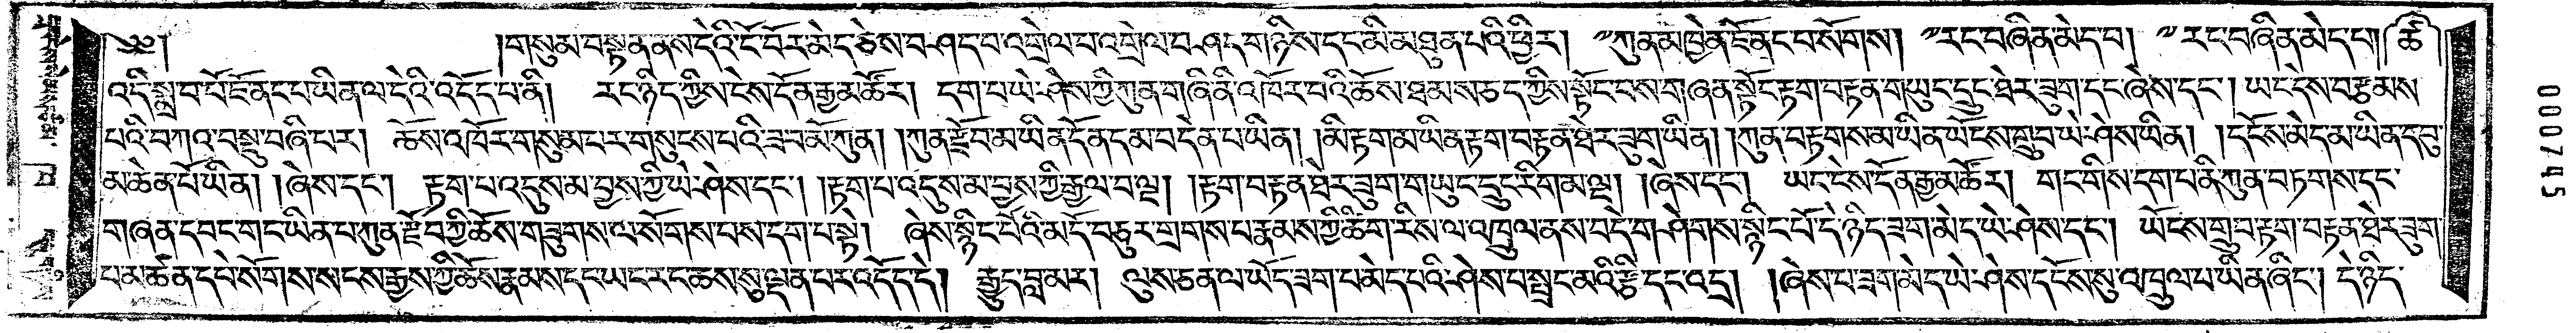༄༅། །གསུམ་བསྟན་ནས་དེའི་ངོ་བོར་མེད་ཅེས་བཤད་པ་འགྲེལ་པ་འགྲེལ་བཤད་གཉིས་དང་མི་མཐུན་པའི་ཕྱིར། ༧ཀུན་མཁྱེན་ཇོ་ནང་པ་སོགས། ༧རང་བཞིན་མེད་པ། ༧རང་བཞིན་མེད་པ། ༼ཚ༽
འདི་སྨྲ་བ་པོ་ཇོ་ནང་པ་ཡིན་ལ་དེའི་འདོད་པ་ནི། རང་ཉིད་ཀྱིས་ངེས་དོན་རྒྱ་མཚོར། དག་པ་ཡེ་ཤེས་ཀྱི་ཀུན་གཞི་ནི་འཁོར་བའི་ཆོས་ཐམས་ཅད་ཀྱིས་སྟོང་བས་གཞན་སྟོང་རྟག་བརྟན་གཡུང་དྲུང་ཐེར་ཟུག་དང་ཞེས་དང་། ཡང་དེས་བརྩམས་
པའི་བཀའ་བསྡུ་བཞི་པར། ཆོས་འཁོར་གསུམ་པར་གསུངས་པའི་ཟབ་མོ་ཀུན། །ཀུན་རྫོབ་མ་ཡིན་དོན་དམ་བདེན་པ་ཡིན། །མི་རྟག་མ་ཡིན་རྟག་བརྟན་ཐེར་ཟུག་ཡིན། །ཀུན་བརྟགས་མ་ཡིན་ཡོངས་གྲུབ་ཡེ་ཤེས་ཡིན། །དངོས་མེད་མ་ཡིན་དབུ་
མ་ཆེན་པོ་ཡིན། །ཞེས་དང་། རྟག་པ་འདུས་མ་བྱས་ཀྱི་ཡེ་ཤེས་དང་། །རྟག་པ་འདུས་མ་བྱས་ཀྱི་རྒྱལ་བ་ལྔ། །རྟག་བརྟན་ཐེར་ཟུག་གཡུང་དྲུང་རིག་མ་ལྔ། །ཞེས་དང་། ཡང་ངེས་དོན་རྒྱ་མཚོར། གང་གིས་དག་པ་ནི་ཀུན་བཏགས་དང་
གཞན་དབང་གང་ཡིན་པ་ཀུན་རྫོབ་ཀྱི་ཆོས་གཟུགས་ལ་སོགས་པས་དག་པ་སྟེ། ཞེས་སྙིང་པོའི་མདོ་བཅུར་གྲགས་པ་རྣམས་ཀྱི་ཚིག་རིས་ལ་འཁྲུལ་ནས་བདེ་གཤེགས་སྙིང་པོ་དེ་ཉིད་ཟག་མེད་ཡེ་ཤེས་དང་། ཡོངས་གྲུབ་རྟག་བརྟན་ཐེར་ཟུག་
པ་མཚན་དཔེ་སོགས་སངས་རྒྱས་ཀྱི་ཆོས་རྣམས་དང་ཡང་རང་ཆས་སུ་ལྡན་པར་འདོད་དེ། རྒྱུད་བླ་མར། ལུས་ཅན་ལ་ཡོད་ཟག་པ་མེད་པའི་ཤེས་པ་སྦྲང་མའི་རྩི་དང་འདྲ། །ཞེས་པ་ཟག་མེད་ཡེ་ཤེས་དངོས་སུ་འཁྲུལ་པ་ཡིན་ཞིང་། དེ་ཉིད་